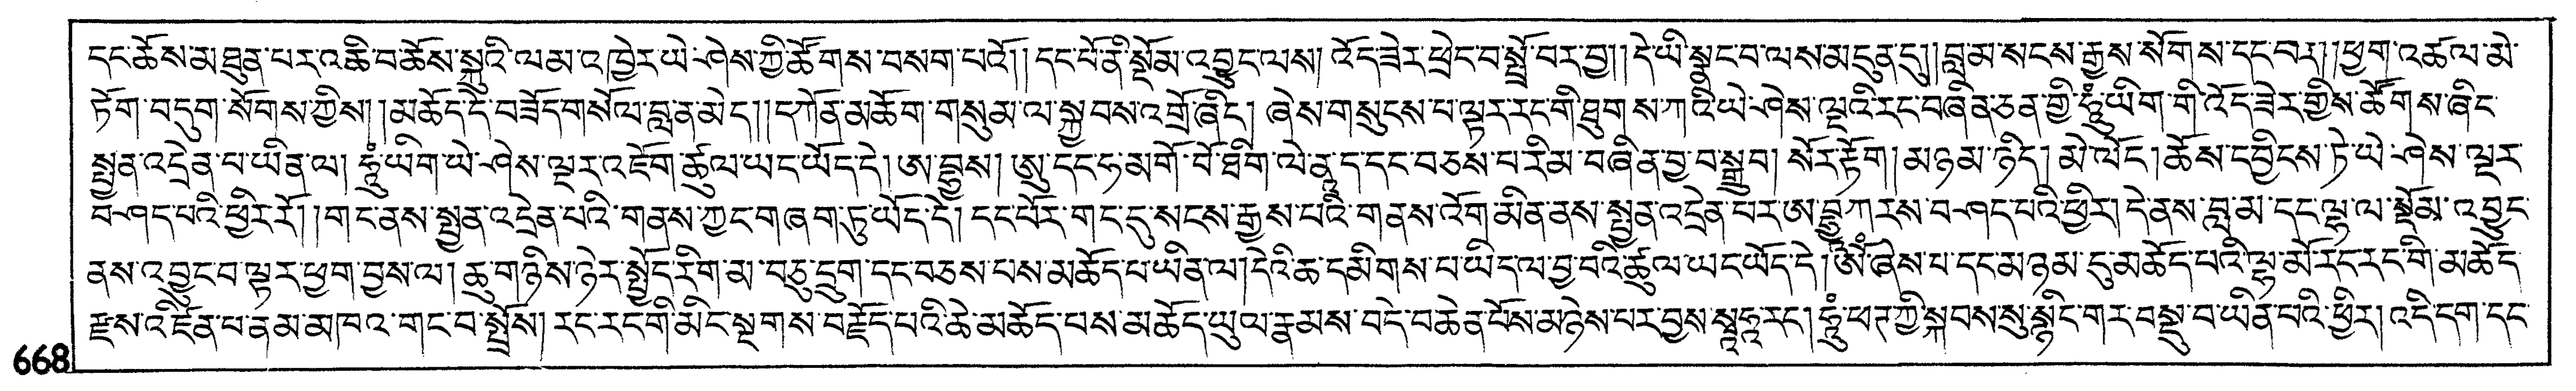དང་ཆོས་མཐུན་པར་འཆི་བ་ཆོས་སྐུའི་ལམ་འཁྱེར་ཡེ་ཤེས་ཀྱི་ཚོགས་བསག་པའོ། །དང་པོ་ནི་སྡོམ་འབྱུང་ལས། འོད་ཟེར་ཕྲེང་བ་སྤྲོ་བར་བྱ། །དེ་ཡི་སྣང་བ་ལས་མདུན་དུ། །བླ་མ་སངས་རྒྱས་སོགས་དང་བར། །ཕྱག་འཚལ་མེ་
ཏོག་བདུག་སོགས་ཀྱིས། །མཆོད་དེ་བཟོད་གསོལ་བླ་ན་མེད། །དཀོན་མཆོག་གསུམ་ལ་སྐྱབས་འགྲོ་ཞིང་། ཞེས་གསུངས་པ་ལྟར་རང་གི་ཐུགས་ཀའི་ཡེ་ཤེས་ལྔའི་རང་བཞིན་ཅན་གྱི་ཧཱུཾ་ཡིག་གི་འོད་ཟེར་གྱིས་ཚོགས་ཞིང་
སྤྱན་འདྲེན་པ་ཡིན་ལ། ཧཱུཾ་ཡིག་ཡེ་ཤེས་ལྔར་འཇོག་ཚུལ་ཡང་ཡོད་དེ། ཨ་བྷྱས། ཨུ་དང་ཧ་མགོ་བོ་ཐིག་ལེ་ནཱ་ད་དང་བཅས་པ་རིམ་བཞིན་བྱ་བ་སྒྲུབ། སོར་རྟོག །མཉམ་ཉིད། མེ་ལོང་། ཆོས་དབྱིངས་ཏེ་ཡེ་ཤེས་ལྔར་
བཤད་པའི་ཕྱིར་རོ། །གང་ནས་སྤྱན་འདྲེན་པའི་གནས་ཀྱང་གཞག་ཏུ་ཡོད་དེ། དང་པོར་གང་དུ་སངས་རྒྱས་པའི་གནས་འོག་མིན་ནས་སྤྱན་འདྲེན་པར་ཨ་བྷྱཱ་ཀ་རས་བཤད་པའི་ཕྱིར། དེ་ནས་བླ་མ་དང་ལྷ་ལ་སྡོམ་འབྱུང་
ནས་འབྱུང་བ་ལྟར་ཕྱག་བྱས་ལ། ཆུ་གཉིས་ཉེར་སྤྱོད་རིག་མ་བཅུ་དྲུག་དང་བཅས་པས་མཆོད་པ་ཡིན་ལ། དེའི་ཆ་དམིགས་པ་ཡིད་ལ་བྱ་བའི་ཚུལ་ཡང་ཡོད་དེ། ཨོཾ་ཞེས་པ་དང་མཉམ་དུ་མཆོད་པའི་ལྷ་མོ་རང་རང་གི་མཆོད་
རྫས་འཛིན་པ་ནམ་མཁའ་གང་བ་སྤྲོས། རང་རང་གི་མིང་སྔགས་བརྗོད་པའི་ཆེ་མཆོད་པས་མཆོད་ཡུལ་རྣམས་བདེ་བ་ཆེན་པོས་མཉེས་པར་བྱས་སྭཱཧཱ་རང་། ཧཱུཾ་ཕཊ་ཀྱི་སྐབས་སུ་སྙིང་གར་བསྡུ་བ་ཡིན་པའི་ཕྱིར། འདི་དག་དང་